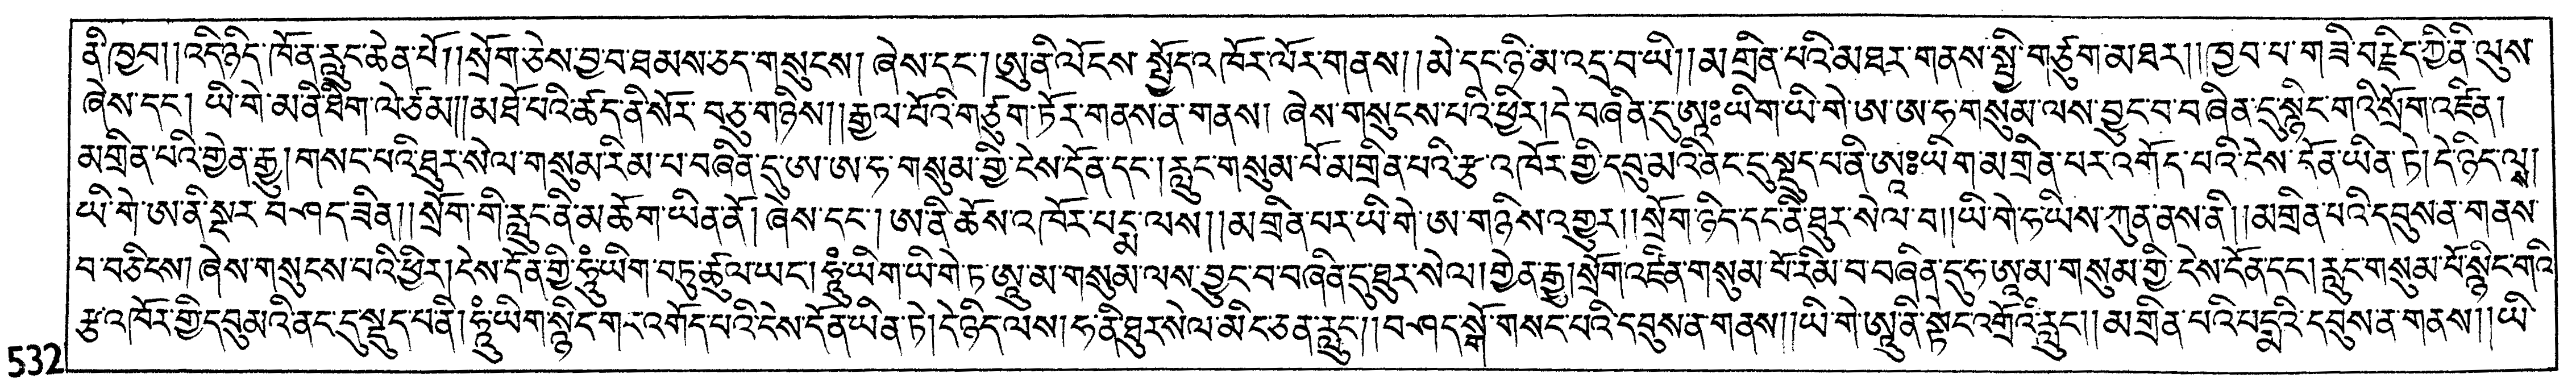ནི་ཁྱབ། །འདི་ཉིད་ཁོ་ན་རླུང་ཆེན་པོ། །སྲོག་ཅེས་བྱ་བ་ཐམས་ཅད་གསུངས། ཞེས་དང་། ཨུ་ནི་ལོངས་སྤྱོད་འཁོར་ལོར་གནས། །མེ་དང་ཉི་མ་འདྲ་བ་ཡི། །མགྲིན་པའི་མཐར་གནས་སྤྱི་གཙུག་མཐར། །ཁྱབ་པ་གཟི་བརྗིད་ཀྱི་ནི་ལུས་
ཞེས་དང་། ཡི་གེ་མ་ནི་ཐིག་ལེ་ཙམ། །མཐོ་པའི་ཚད་ནི་སོར་བཅུ་གཉིས། །རྒྱལ་པོའི་གཙུག་ཏོར་གནས་ན་གནས། ཞེས་གསུངས་པའི་ཕྱིར། དེ་བཞིན་དུ་ཨཱཿ ཡིག་ཡི་གེ་ཨ་ཨ་ཧ་གསུམ་ལས་བྱུང་བ་བཞིན་དུ་སྙིང་གའི་སྲོག་འཛིན།
མགྲིན་པའི་གྱེན་རྒྱུ། གསང་བའི་ཐུར་སེལ་གསུམ་རིམ་པ་བཞིན་དུ་ཨ་ཨ་ཧ་གསུམ་གྱི་ངེས་དོན་དང་། རླུང་གསུམ་པོ་མགྲིན་པའི་རྩ་འཁོར་གྱི་དབུ་མའི་ནང་དུ་སྡུད་པ་ནི་ཨཱཿ ཡིག་མགྲིན་པར་འགོད་པའི་ངེས་དོན་ཡིན་ཏེ། དེ་ཉིད་ལས།
ཡི་གེ་ཨ་ནི་སྔར་བཤད་ཟིན། །སྲོག་གི་རླུང་ནི་མཆོག་ཡིན་ནོ། ཞེས་དང་། ཨ་ནི་ཆོས་འཁོར་པདམ་ལས། །མགྲིན་པར་ཡི་གེ་ཨ་གཉིས་འགྱུར། །སྲོག་ཉིད་དང་ནི་ཐུར་སེལ་བ། །ཡི་གེ་ཧ་ཡིས་ཀུན་ནས་ནི། །མགྲིན་པའི་དབུས་ན་གནས་
བ་བཅིངས། ཞེས་གསུངས་པའི་ཕྱིར། ངེས་དོན་གྱི་ཧཱུཾ་ཡིག་བཏུ་ཚུལ་ཡང་། ཧཱུཾ་ཡིག་ཡི་གེ་ཏ་ཨཱུ་མ་གསུམ་ལས་བྱུང་བ་བཞིན་དུ་ཐུར་སེལ། གྱེན་རྒྱུ། སྲོག་འཛིན་གསུམ་པོ་རིམ་པ་བཞིན་དུ་ཧ་ཨཱ་མ་གསུམ་གྱི་ངེས་དོན་དང་། རླུང་གསུམ་པོ་སྙིང་གའི་
རྩ་འཁོར་གྱི་དབུ་མའི་ནང་དུ་སྡུད་པ་ནི། ཧཱུཾ་ཡིག་སྙིང་གར་འགོད་པའི་ངེས་དོན་ཡིན་ཏེ། དེ་ཉིད་ལས། ཧ་ནི་ཐུར་སེལ་མིང་ཅན་རླུང་། །བཤད་སྒོ་གསང་བའི་དབུས་ན་གནས། །ཡི་གེ་ཨཱུ་ནི་སྟེང་འགྲོའི་རླུང་། །མགྲིན་པའི་པདམའི་དབུས་ན་གནས། །ཡི་